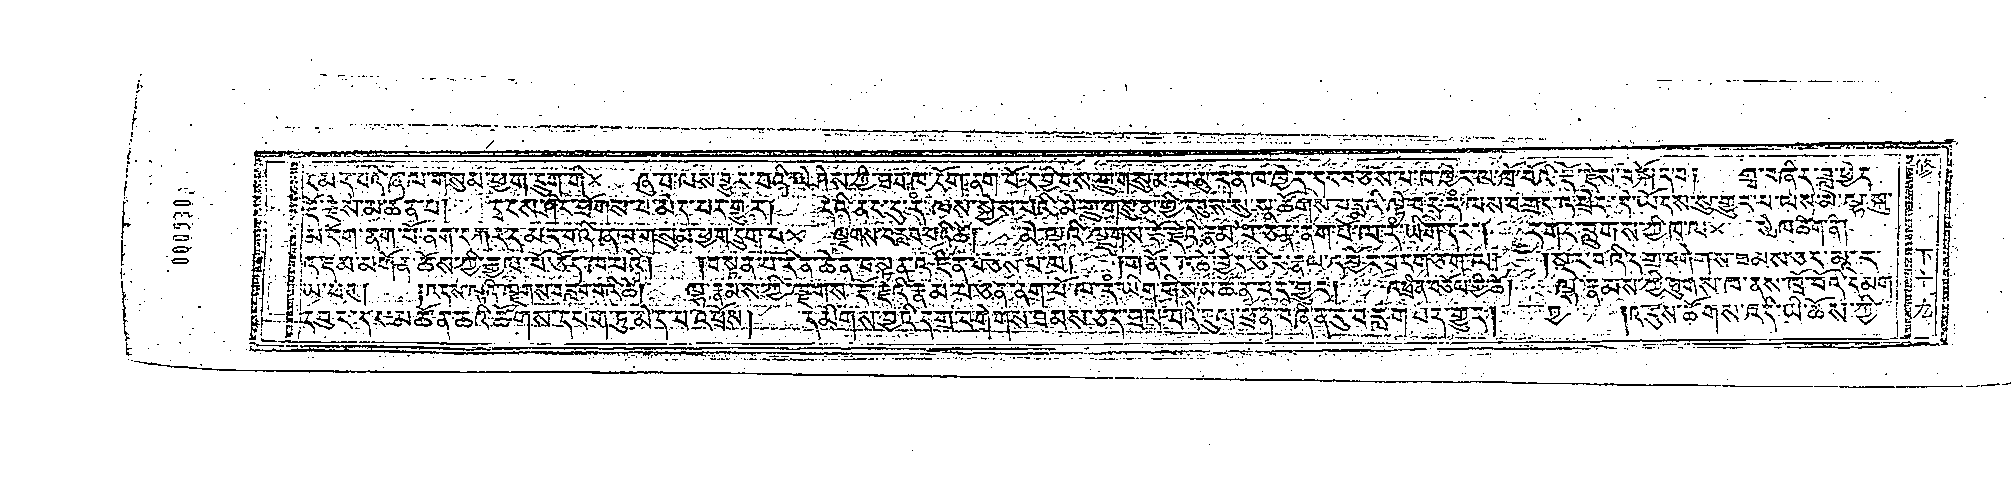དམར་པའི་ཞ་ལ་གསུམ་ཕྱག་དྲུག་གི་྾་ཞུ་པ་ལས་བྱུང་བའི་ཡེ་ཤེས་ཀྱི་ཐབ་ཁ་དོག་ནག་པོ་དབྱིབས་གྲུ་གསུམ་པ་མུ་རན་ཁ་ཁྱེར་དང་བཅས་པ་ཁ་ཁྱེར་ལ་ཁྲོ་བོའི་རྡོ་རྗེས་བསྐོར་བ། གྲྭ་བཞིར་ཟླ་ཕྱེད་
རྡོ་རྗེས་མཚན་པ། དྭངས་ཤིང་ཐོགས་པ་མེད་པར་གྱུར། དེའི་ནང་དུ་རཾ་ལས་སྐྱེས་པའི་མེ་གྲུ་གསུམ་གྱི་དབུས་སུ་སྣ་ཚོགས་པདམའི་ལྟེ་བར་རཾ་ལས་བགྲང་འཕྲེང་དེ་ཡོངས་སུ་གྱུར་པ་ལས་མི་ལྷ་སྐུ་
མདོག་ནག་པོ་ནག་དཀར་དམར་བའི་ཞལ་གསུམ་ཕྱག་དྲུག་པ་྾་ལྗགས་བརླབ་པའི་ཚེ། མེ་ལྷའི་ལྗགས་རྡོ་རྗེའི་རྣམ་བ་ཅན་ནག་པོ་ལ་རཾ་ཡིག་དང་། དགང་བླུགས་ཀྱི་ཁ་ལ་྾་སྤེལ་ཚིག་ནི།
འཇམ་མགོན་ཆོས་ཀྱི་རྒྱལ་པོ་ཙོད་ཁ་པའི། །བསྟན་པ་རིན་ཆེན་བསྟན་འཛིན་བཅས་པ་ལ། །གནོད་འཚེ་བྱེད་ཅིང་རྣལ་འབྱོར་བདག་ཅག་ལ། །སྔར་བའི་དགྲ་བགེགས་ཐམས་ཅད་མཱ་ར་
ཡ་ཕཊ། །འདས་ལྷའི་ལྗགས་བརླབ་བའི་ཚེ། ལྷ་རྣམས་ཀྱི་ལྗགས་རྡོ་རྗེའི་རྣམ་པ་ཅན་ནག་པོ་ལ་རཾ་ཡིག་གིས་མཚན་པར་གྱུར། འཕྲིན་བཅོལ་གྱི་ཚེ། ལྷ་རྣམས་ཀྱི་ཐུགས་ཁ་ནས་ཁྲོ་བོའི་དམག་
དཔུང་དང་མཚོན་ཆའི་ཚོགས་དཔག་ཏུ་མེད་པ་འཕྲོས། དམིགས་བྱའི་དགྲ་བགེགས་ཐམས་ཅད་ཐལ་བའི་རྡུལ་ཕྲན་བཞིན་དུ་བརླག་པར་གྱུར། ༧་།འདུས་ཚོགས་འདི་ཡི་ཆོས་ཀྱི་